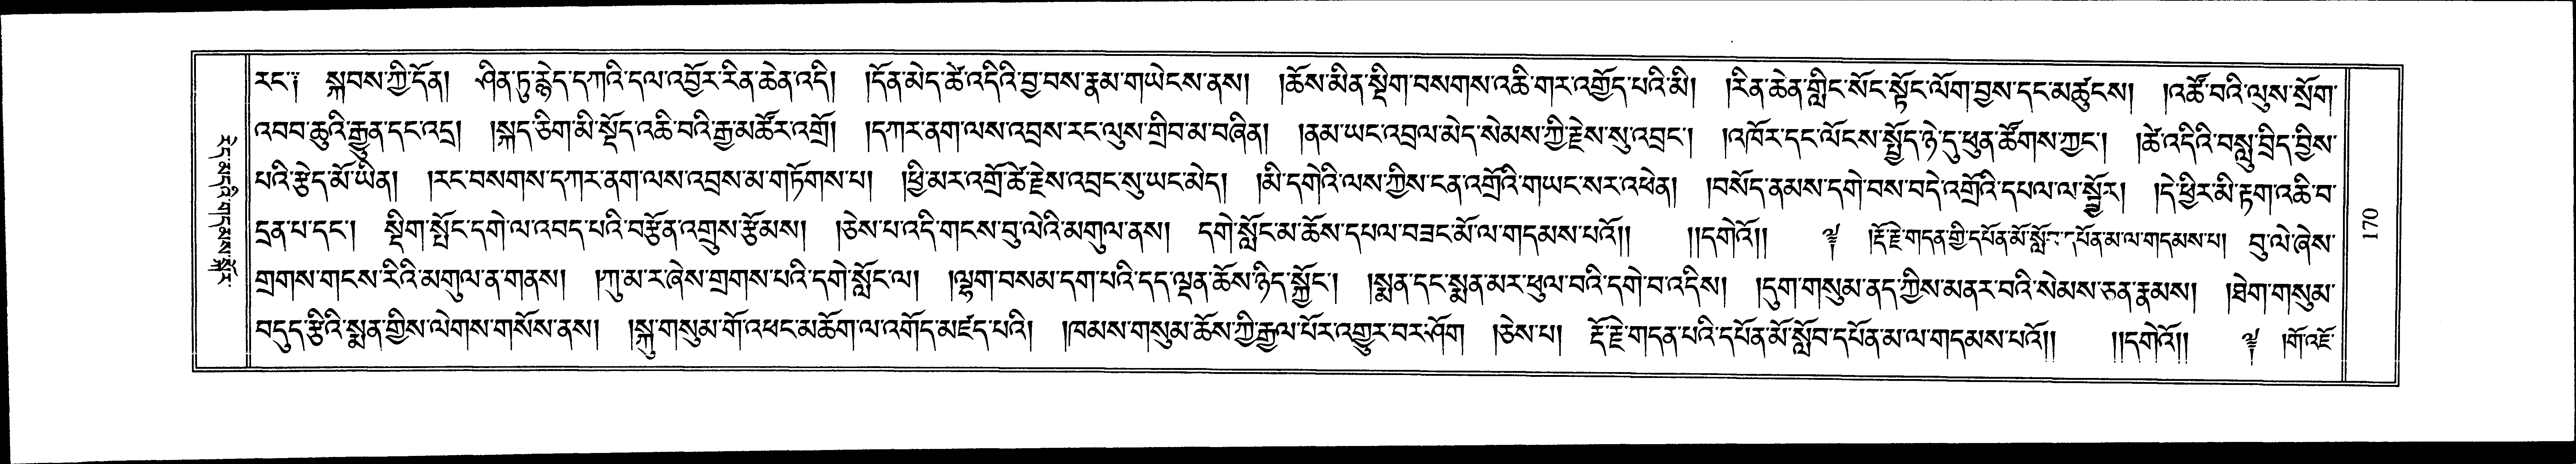རང་། །སྐབས་ཀྱི་དོན། ཤིན་ཏུ་རྙེད་དཀའི་དལ་འབྱོར་རིན་ཆེན་འདི། །དོན་མེད་ཚེ་འདིའི་བྱ་བས་རྣམ་གཡེངས་ནས། །ཆོས་མིན་སྡིག་བསགས་འཆི་གར་འགྱོད་པའི་མི། །རིན་ཆེན་གླིང་སོང་སྟོང་ལོག་བྱས་དང་མཚུངས། །འཚོ་བའི་ལུས་སྲོག་
འབབ་ཆུའི་རྒྱུན་དང་འདྲ། །སྐད་ཅིག་མི་སྡོད་འཆི་བའི་རྒྱ་མཚོར་འགྲོ། །དཀར་ནག་ལས་འབྲས་རང་ལུས་གྲིབ་མ་བཞིན། །ནམ་ཡང་འབྲལ་མེད་སེམས་ཀྱི་རྗེས་སུ་འབྲང་། །འཁོར་དང་ལོངས་སྤྱོད་ཉེ་དུ་ཕུན་ཚོགས་ཀྱང་། །ཚེ་འདིའི་བསླུ་བྲིད་བྱིས་
པའི་རྩེད་མོ་ཡིན། །རང་བསགས་དཀར་ནག་ལས་འབྲས་མ་གཏོགས་པ། །ཕྱི་མར་འགྲོ་ཚེ་རྗེས་འབྲང་སུ་ཡང་མེད། །མི་དགེའི་ལས་ཀྱིས་ངན་འགྲོའི་གཡང་སར་འཕེན། །བསོད་ནམས་དགེ་བས་བདེ་འགྲོའི་དཔལ་ལ་སྦྱོར། །དེ་ཕྱིར་མི་རྟག་འཆི་བ་
དྲན་པ་དང་། སྡིག་སྤོང་དགེ་ལ་འབད་པའི་བརྩོན་འགྲུས་རྩོམས། །ཅེས་པ་འདི་གངས་བུ་ལེའི་མགུལ་ནས། །དགེ་སློང་མ་ཆོས་དཔལ་བཟང་མོ་ལ་གདམས་པའོ།། །།དགེའོ།། ༈ །རྡོ་རྗེ་གདན་གྱི་དཔོན་མོ་སློབ་དཔོན་མ་ལ་གདམས་པ། བུ་ལེ་ཞེས་
གྲགས་གངས་རིའི་མགུལ་ན་གནས། །ཀུ་མ་ར་ཞེས་གྲགས་པའི་དགེ་སློང་ལ། །ལྷག་བསམ་དག་པའི་དད་ལྡན་ཆོས་ཉིད་སྐྱོང་། །སྨན་དང་སྨན་མར་ཕུལ་བའི་དགེ་བ་འདིས། །དུག་གསུམ་ནད་ཀྱིས་མནར་བའི་སེམས་ཅན་རྣམས། །ཐེག་གསུམ་
བདུད་རྩིའི་སྨན་གྱིས་ལེགས་གསོས་ནས། །སྐུ་གསུམ་གོ་འཕང་མཆོག་ལ་འགོད་མཛད་པའི། །ཁམས་གསུམ་ཆོས་ཀྱི་རྒྱལ་པོར་འགྱུར་བར་ཤོག །ཅེས་པ། རྡོ་རྗེ་གདན་པའི་དཔོན་མོ་སློབ་དཔོན་མ་ལ་གདམས་པའོ།། །།དགེའོ།། ༈ །གོ་འཇོ་